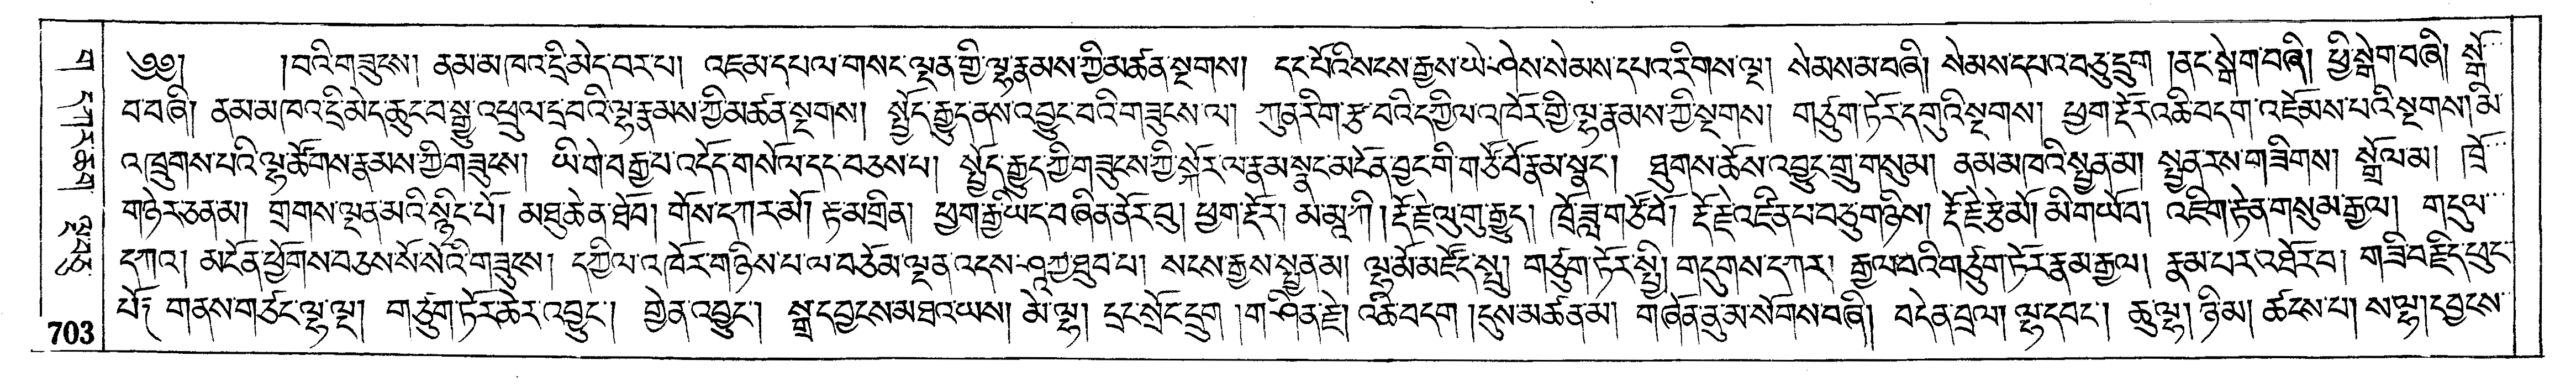༄༅། །བའི་གཟུངས། ནམ་མཁའ་དྲི་མེད་པར་པ། འཇམ་དཔལ་གསང་ལྡན་གྱི་ལྷ་རྣམས་ཀྱི་མཚན་སྔགས། དང་པོའི་སངས་རྒྱས་ཡེ་ཤེས་སེམས་དཔའ་རིགས་ལྔ། སེམས་མ་བཞི། སེམས་དཔའ་བཅུ་དྲུག །ནང་སྒེག་བཞི། ཕྱི་སྒེག་བཞི། སྒོ་
བ་བཞི། ནམ་མཁའ་དྲི་མེད་ཆུང་བ་སྒྱུ་འཕྲུལ་དྲ་བའི་ལྷ་རྣམས་ཀྱི་མཚན་སྔགས། སྦྱོང་རྒྱུད་ནས་འབྱུང་བའི་གཟུངས་ལ། ཀུན་རིག་རྩ་བའི་དཀྱིལ་འཁོར་གྱི་ལྷ་རྣམས་ཀྱི་སྔགས། གཙུག་ཏོར་དགུའི་སྔགས། ཕྱག་རྡོར་འཆི་བདག་འཇོམས་པའི་སྔགས། མི་
འཁྲུགས་པའི་ལྷ་ཚོགས་རྣམས་ཀྱི་གཟུངས། ཡི་གེ་བརྒྱ་པ་འདོད་གསོལ་དང་བཅས་པ། སྤྱོད་རྒྱུད་ཀྱི་གཟུངས་ཀྱི་སྐོར་ལ་རྣམ་སྣང་མངོན་བྱང་གི་གཙོ་བོ་རྣམ་སྣང་། ཐུགས་ཆོས་འབྱུང་གྲུ་གསུམ། ནམ་མཁའི་སྤྱན་མ། སྤྱན་རས་གཟིགས། སྒྲོལ་མ། ཁྲོ་
གཉེར་ཅན་མ། གྲགས་ལྡན་མའི་སྙིང་པོ། མཐུ་ཆེན་ཐོབ། གོས་དཀར་མོ། རྟ་མགྲིན། ཕྱག་རྒྱ་ཡིད་བཞིན་ནོར་བུ། ཕྱག་རྡོར། མ་མཱ་ཀི། རྡོ་རྗེ་ལུ་གུ་རྒྱུད། ཁྲོ་ཟླ་གཙོ་བོ། རྡོ་རྗེ་འཛིན་པ་བཅུ་གཉིས། རྡོ་རྗེ་རྩེ་མོ། མི་གཡོ་བ། འཇིག་རྟེན་གསུམ་རྒྱལ། གདུལ་
དཀའ། མངོན་ཕྱོགས་བཅས་སོ་སོའི་གཟུངས། དཀྱིལ་འཁོར་གཉིས་པ་ལ་བཅོམ་ལྡན་འདས་ཤཱཀྱ་ཐུབ་པ། སངས་རྒྱས་སྤྱན་མ། ལྷ་མོ་མཛོད་སྤུ། གཙུག་ཏོར་སྤྱི། གདུགས་དཀར། རྒྱལ་བའི་གཙུག་ཏོར་རྣམ་རྒྱལ། རྣམ་པར་འཐོར་བ། གཟི་བརྗིད་ཕུང་
པོ༑ གནས་གཙང་ལྷ་ལྔ། གཙུག་ཏོར་ཆེར་འབྱུང་། གྱེན་འབྱུང་། སྒྲ་དབྱངས་མཐའ་ཡས། མེ་ལྷ། དྲང་སྲོང་དྲུག །གཤིན་རྗེ། འཆི་བདག །དུས་མཚན་མ། གཞོན་ནུ་མ་སོགས་བཞི། བདེན་བྲལ། ལྷ་དབང་། ཆུ་ལྷ། ཉི་མ། ཚངས་པ། ས་ལྷ། དབྱངས་